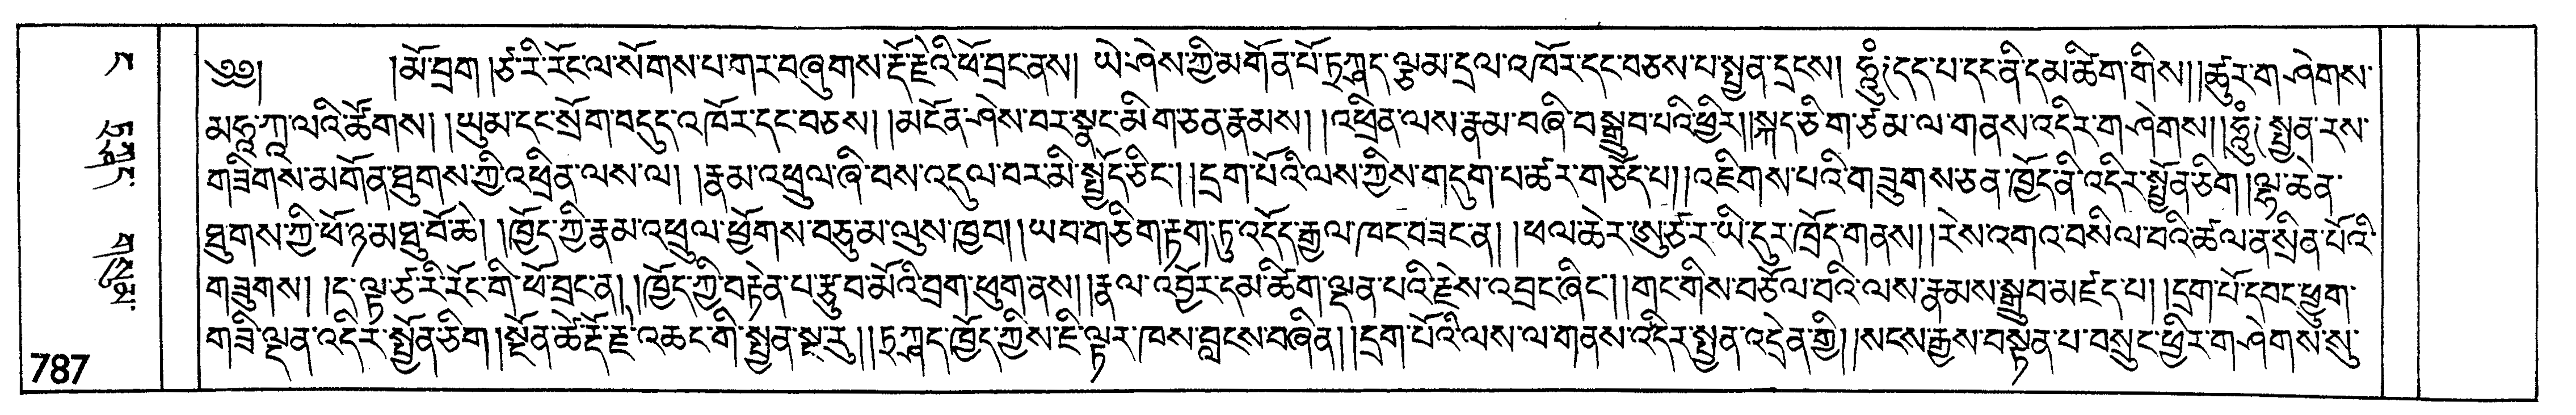༄༅། །མོ་བྲག །ཙ་རི་རོང་ལ་སོགས་པ་གར་བཞུགས་རྡོ་རྗེའི་ཕོ་བྲང་ནས། ཡེ་ཤེས་ཀྱི་མགོན་པོ་ཏྲཀྴད་ལྕམ་དྲལ་འཁོར་དང་བཅས་པ་སྤྱན་དྲངས། ཧཱུཾ༑ དད་པ་དང་ནི་དམ་ཚིག་གིས། །ཚུར་གཤེགས་
མཧཱ་ཀཱ་ལའི་ཚོགས། །ཡུམ་དང་སྲོག་བདུད་འཁོར་དང་བཅས། །མངོན་ཤེས་བར་སྣང་མིག་ཅན་རྣམས། །འཕྲིན་ལས་རྣམ་བཞི་བསྒྲུབ་པའི་ཕྱིར། །སྐད་ཅིག་ཙམ་ལ་གནས་འདིར་གཤེགས། །ཧཱུཾ༑ སྤྱན་རས་
གཟིགས་མགོན་ཐུགས་ཀྱི་འཕྲིན་ལས་ལ། །རྣམ་འཕྲུལ་ཞི་བས་འདུལ་བར་མི་སྤྱོད་ཅིང་། །དྲག་པོའི་ལས་ཀྱིས་གདུག་པ་ཚར་གཅོད་པ། །འཇིགས་པའི་གཟུགས་ཅན་ཁྱོད་ནི་འདིར་སྤྱོན་ཅིག །ལྷ་ཆེན་
ཐུགས་ཀྱི་ཕོ་ཉ་མཐུ་བོ་ཆེ། །ཁྱོད་ཀྱི་རྣམ་འཕྲུལ་ཕྱོགས་བཅུ་མ་ལུས་ཁྱབ། །ཡབ་གཅིག་རྟག་ཏུ་འདོད་རྒྱལ་ཁང་བཟང་ན། །ཕལ་ཆེར་ཨུ་ཙ་ར་ཡི་དུར་ཁྲོད་གནས། །རེས་འགའ་བསིལ་བའི་ཚལ་ན་སྲིན་པོའི་
གཟུགས། །ད་ལྟ་ཙ་རི་རོང་གི་ཕོ་བྲང་ན། །ཁྱོད་ཀྱི་བརྟེན་པ་རྩུབ་མོའི་བྲག་ཕུག་ནས། །རྣལ་འབྱོར་དམ་ཚིག་ལྡན་པའི་རྗེས་འབྲང་ཞིང་། །གང་གིས་བཅོལ་བའི་ལས་རྣམས་སྒྲུབ་མཛད་པ། །དྲག་པོ་དབང་ཕྱུག་
གཟི་ལྡན་འདིར་སྤྱོན་ཅིག །སྔོན་ཚེ་རྡོ་རྗེ་འཆང་གི་སྤྱན་སྔ་རུ། །ཏྲཀྴད་ཁྱོད་ཀྱིས་ཇི་ལྟར་ཁས་བླངས་བཞིན། །དྲག་པོའི་ལས་ལ་གནས་འདིར་སྤྱན་འདྲེན་གྱི། །སངས་རྒྱས་བསྟན་པ་བསྲུང་ཕྱིར་གཤེགས་སུ་